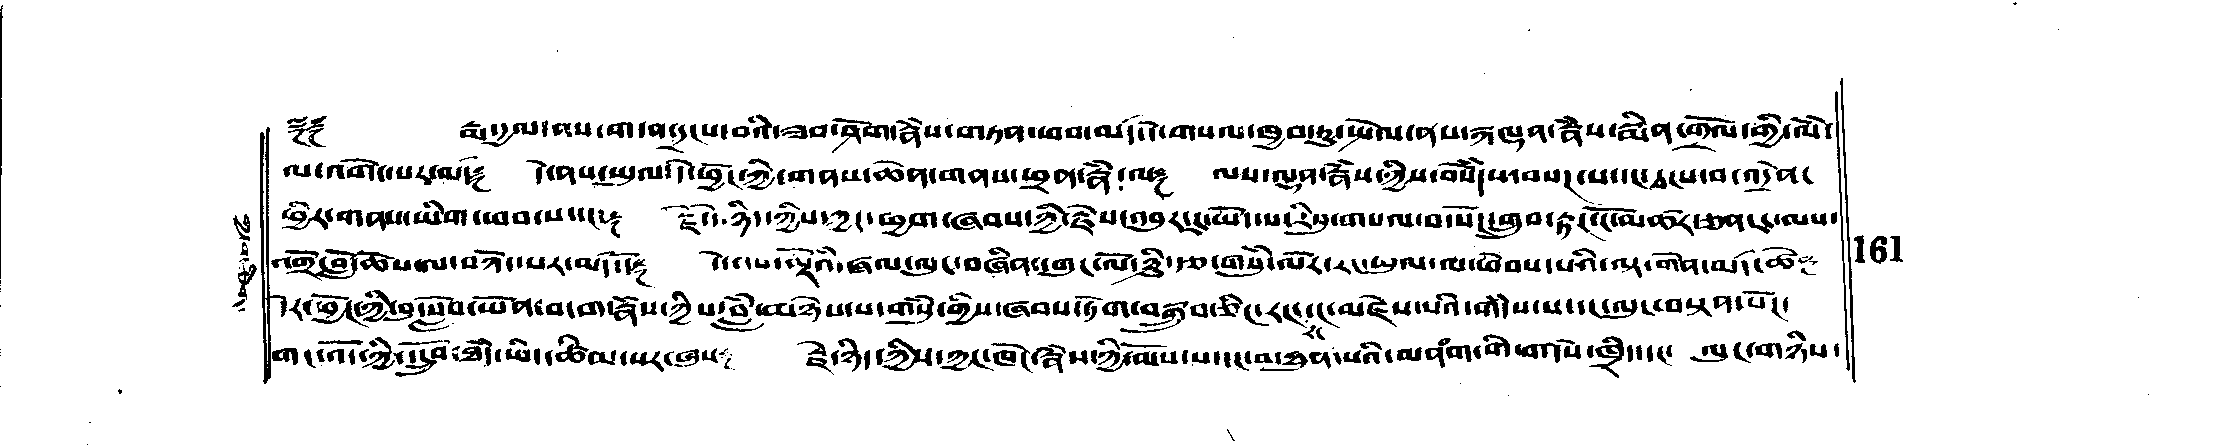རྨ་རྒྱལ་ནས་གདན་དྲངས་པའི་ཟབ་ཤོག་རྣམས་གཏན་ཕབ་མཛད་དེ་གསལ་ཁྱབ་ཏུ་སྤེལ་ནས་སྐལ་ལྡན་རྣམས་སྨིན་གྲོལ་གྱི་ལམ་
ལ་འགོད་པར་མཛད། དེ་ནས་ཡུལ་དེ་ཕྱོགས་ཀྱི་གནས་ཆེན་གནས་ཕྲན་རྣམས་ལ། ལས་ལྡན་རྣམས་ཀྱིས་བསོད་ནམས་བསགས་པ་དང་དྭངས་བ་འདྲེན་
ཕྱིར་གནས་ཡིག་ཕབ་པ་དང་། རྗེ་དེ་ཉིད་ཀྱིས་ཀྱང་ཕྱག་ཞབས་ཀྱི་རྗེས་འབུར་དུ་ཡོད་པ་རིགས་སུ་གསལ་བ་སོགས་གྲུབ་རྟགས་ངོ་མཚར་ཅན་དུ་མས་
འགྲོ་བློ་ཆོས་ལ་བཀོད་པར་མཛད་དོ། དེ་ནས་མཁའ་འགྲོའི་ཞལ་ལུང་བཞིན་དགུང་ལོ་ཉི་ཤུ་རྩ་གསུམ་ལོར་རང་ཡུལ་ལ་ཕེབས་པའི་ལྟ་གོན་མཛད་ཚེ། 
དེར་ཕྱོགས་ཀྱི་བུ་སློབ་ཡོན་བདག་རྣམས་ཀྱིས་བླ་མ་མཉེས་པ་གསུམ་གྱིས་ཞབས་ཏོག་བསྒྲུབ་ཅིང་རང་རང་དང་མཛེས་པའི་གདམས་པ་དང་ལུང་བསྟན་སོགས་
གང་འདོད་ཀྱི་དངོས་གྲུབ་ཐམས་ཅད་ཡིད་ཚིམ་པར་ཞུས། རྗེ་ཉིད་ཀྱིས་ཀྱང་ཁོང་རྣམས་ཀྱི་མོས་པ་དང་མཐུན་པའི་མན་ངག་གི་གདམས་ཁྲིད་དང་། ལུགས་གཉིས་